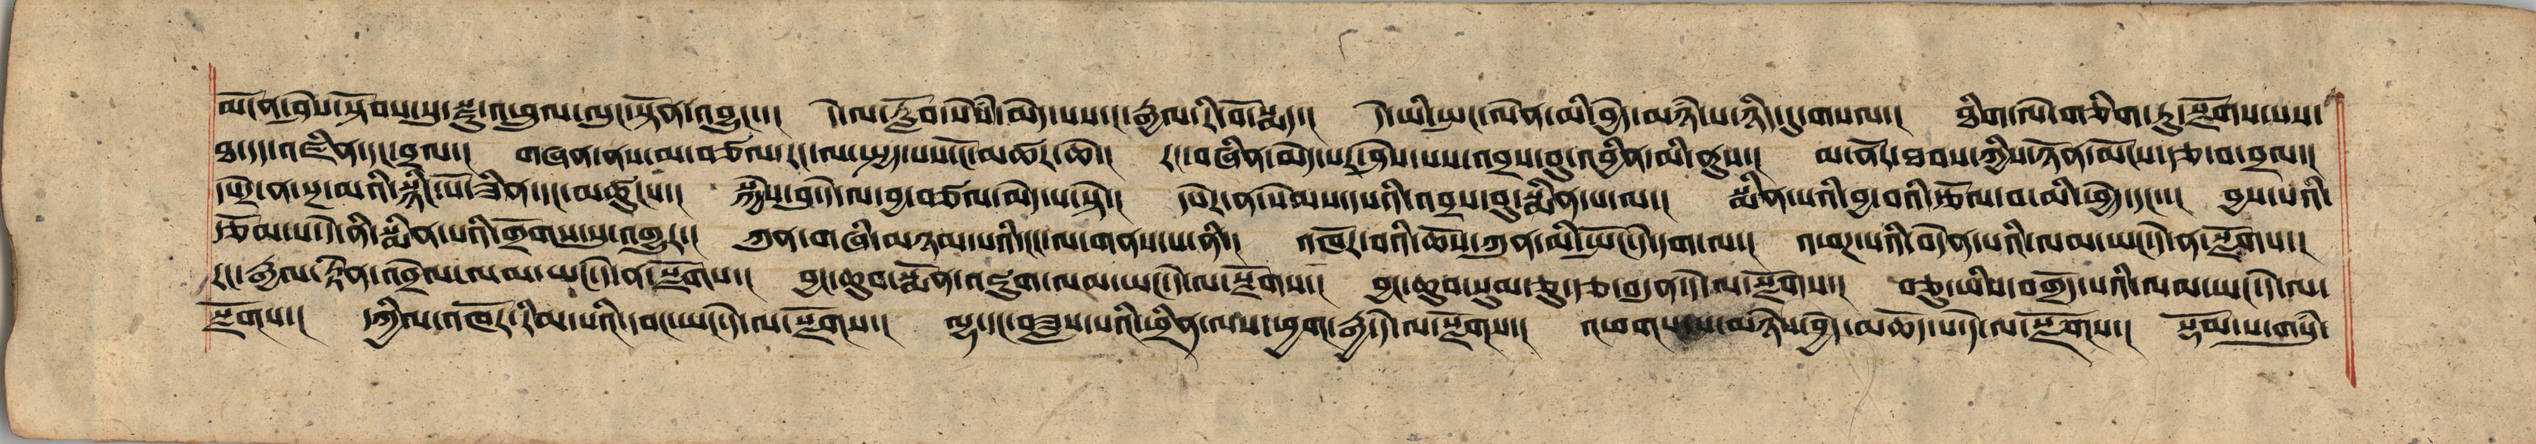མངོན་ཤེས་སྟོབས་སུ་སྫུ་འཕྲུལ་ལུང་སྟོན་འབྱུང་་། དེ་ལ་རློབ་སེཾས་མེད་པས་ང་རྒྱལ་རི་བོ་སྨད་། དེ་ཡི་སྤང་ལེན་མི་བྱེད་མཉཾ་པ་ཉིད་དུ་གསལ་། ཐིག་ལེ་གཅིག་ཏུ་སྫོགས་པས་
ཐ་དད་འཛིན་དང་བྲལ་། གཞན་ནས་མ་བཙལ་རང་ལ་སྤྱད་པས་ངོ་མཚར་ཆེ་། རང་བཞིན་མེད་པར་ཤེས་པས་འབྲས་བུ་འབྱིན་མི་ནུས་། མ་ནོར་ཐབས་ཀྱིས་ཉོན་མོངས་རྩ་བ་བྲལ་།
དཔེར་ན་སྔ་མའི་སྙིང་པོ་ཟིན་དང་མཚུངས་། སྐྱེས་བུ་དེ་ལ་བྱ་བཙལ་མེད་པ་སྟེ། དཔེར་ན་སེམས་དཔའི་འབྲས་བུ་སྨིན་པ་ལ་། སྨིན་པའི་བྱ་བའི་རྩོལ་བ་མི་ཕྱེད་དང་་། བྱས་པའི་
རྩོམ་པ་དེ་ནི་སྨིན་པའི་གྲོགས་སུ་འགྱུར་། ཀུན་གཞི་མཉམ་པའི་ངང་ལ་གནས་པ་ནི་། འཁོར་བའི་ཆོས་ཀུན་མི་སྤོང་དེ་དག་ལ་། འཕཌ་པའི་བདེན་པའི་ལམ་ཡང་དེ་ན་སྫོགས་།
རང་རྒྱལ་རྟེན་འབྲེལ་ལམ་ཡང་དེ་ན་སྫོགས་། བྱང་ཆུབ་སྨོན་འཇུག་ལམ་ཡང་དེ་ལ་སྫོགས་། བྱང་ཆུབ་སུམ་ཅུ་རྩ་བདུན་དེ་ལ་སྫོགས་། བཅུ་ཡིས་བགྲོད་པའི་ལམ་ཡང་དེ་ལ་
སྫོགས་། དཀྱིལ་འཁོར་རིམ་པའི་དབང་ཡང་དེ་ལ་སྫོགས་། ལྷ་དང་བཟླས་པའི་ཕྲིན་ལས་ཕྱག་རྒྱ་དེ་ལ་སྫོགས་། འཕགས་པས་མཉེས་བྱེད་མཆོད་པ་དེ་ལ་སྫོགས་། སྡོམ་པ་གསུཾ་